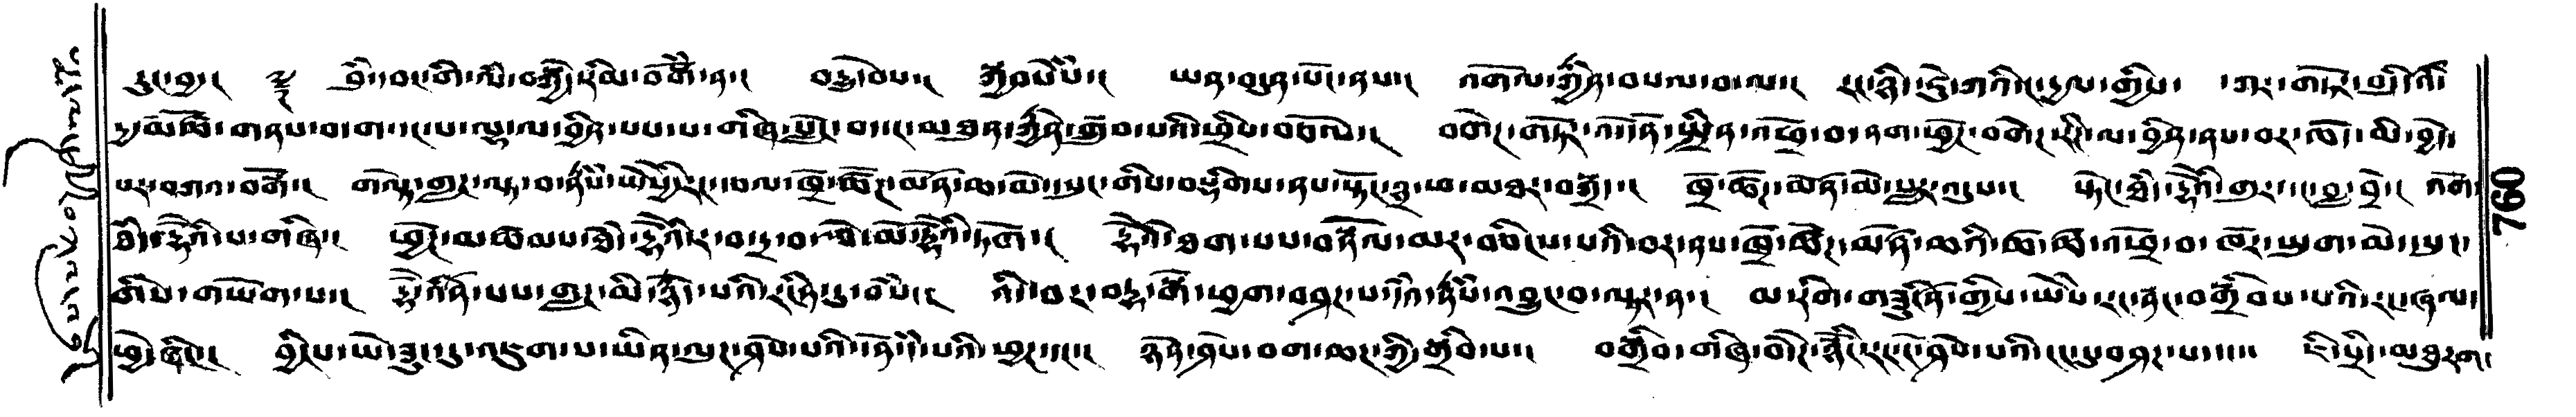རུང་བྱ། ༈ བུམ་དབང་གི་ལམ་བསྐྱེད་རིམ་བསྒོམ་ན། བརྒྱུད་འདེབས། སྐྱབས་སེམས། ཡན་བདུན་སོང་ནས། འགལ་རྐྱེན་བསལ་བ་ལ། རང་ཉིད་ཧེ་རུ་ཀའི་ང་རྒྱལ་གྱིས་ དཀར་གཏོར་བདུད་རྩིའི་
རྒྱ་མཚོ་གནས་བདག་དང་ས་ལྷ་ལ་བྱིན་པས་ས་གཞི་སློང་བ་དང་མཐུན་རྐྱེན་སྒྲུབ་པའི་ཕྲིན་ལས་བཅོལ། བགེགས་གཏོར་འདོད་ཡོན་སྤྲིན་འཕྲོ་བ་ནག་ཕྱོགས་བགེགས་རིགས་ལ་བྱིན་ནས་བར་ཆད་མི་བྱེད་
པར་བཀའ་བསྒོ། གལ་ཏེ་གླགས་ལྟ་བ་རྣམས་ཡེ་ཤེས་ཀྱི་རིག་རྩལ་ཁྲོ་ཚོགས་མཚོན་ཆ་མེ་དཔུང་གིས་བསྡིགས་ནས་སྟོང་གསུམ་གྱི་ཕ་མཐར་བསྐྲད། ཁྲོ་ཚོགས་མཚོན་མེ་སླར་འདུས། སྟེང་ཐམས་ཅད་རྡོ་རྗེའི་གུར་དང་བླ་བྲེ། འོག་
ཐམས་ཅད་རྡོ་རྗེའི་ས་གཞི། ཕྱོགས་མཚམས་ཐམས་ཅད་རྡོ་རྗེའི་རྭ་བ་དྲྭ་བ། བརྩེ་མོ་རྡོ་རྗེའི་ཏོག རྡོ་རྗེའི་ཐག་པས་བསྣོལ་མར་བཅིངས་པའི་བར་ནས་ཁྲོ་ཚོགས་མཚོན་ཆའི་ཚྭ་ཚྭ་འཕྲོ་བ། ཁོར་ཡུག་མེ་དཔུང་
གིས་གཡོགས་པ། རྡོ་རྗེ་འཛིན་པས་གླགས་མི་རྙེད་པའི་རང་བཞིན་དུ་བསམ། འདི་བར་བརྡ་སྒོ། ཕྱག བཤགས་པ། དམ་བཅའ་རྣམས་འབྱུང་བ་ལྟར་ན། མ་རིག་གཟུང་འཛིན་གྱིས་ཡེ་ཤེས་རང་སྣང་བསྒྲིབས་པའི་རང་ཞལ་
ཕྱེ་ཞིང་། དབྱིངས་ཡེ་ཟུང་དུ་འཇུག་པ་ཡིན་ལུགས་ཤེས་པའི་དོན་དམ་པའི་ཕྱག་དང་།ཉོན་ཤེས་བག་ཆགས་ཀྱི་སྒྲིབ་པ། སྒྲིབ་གཞི་བདེ་གཤེགས་སྙིང་པོ་རང་ངོ་ཤེས་པའི་ངང་དུ་བཤགས་པ་དང་། ཇི་སྲིད་མཐར་ཐུག་